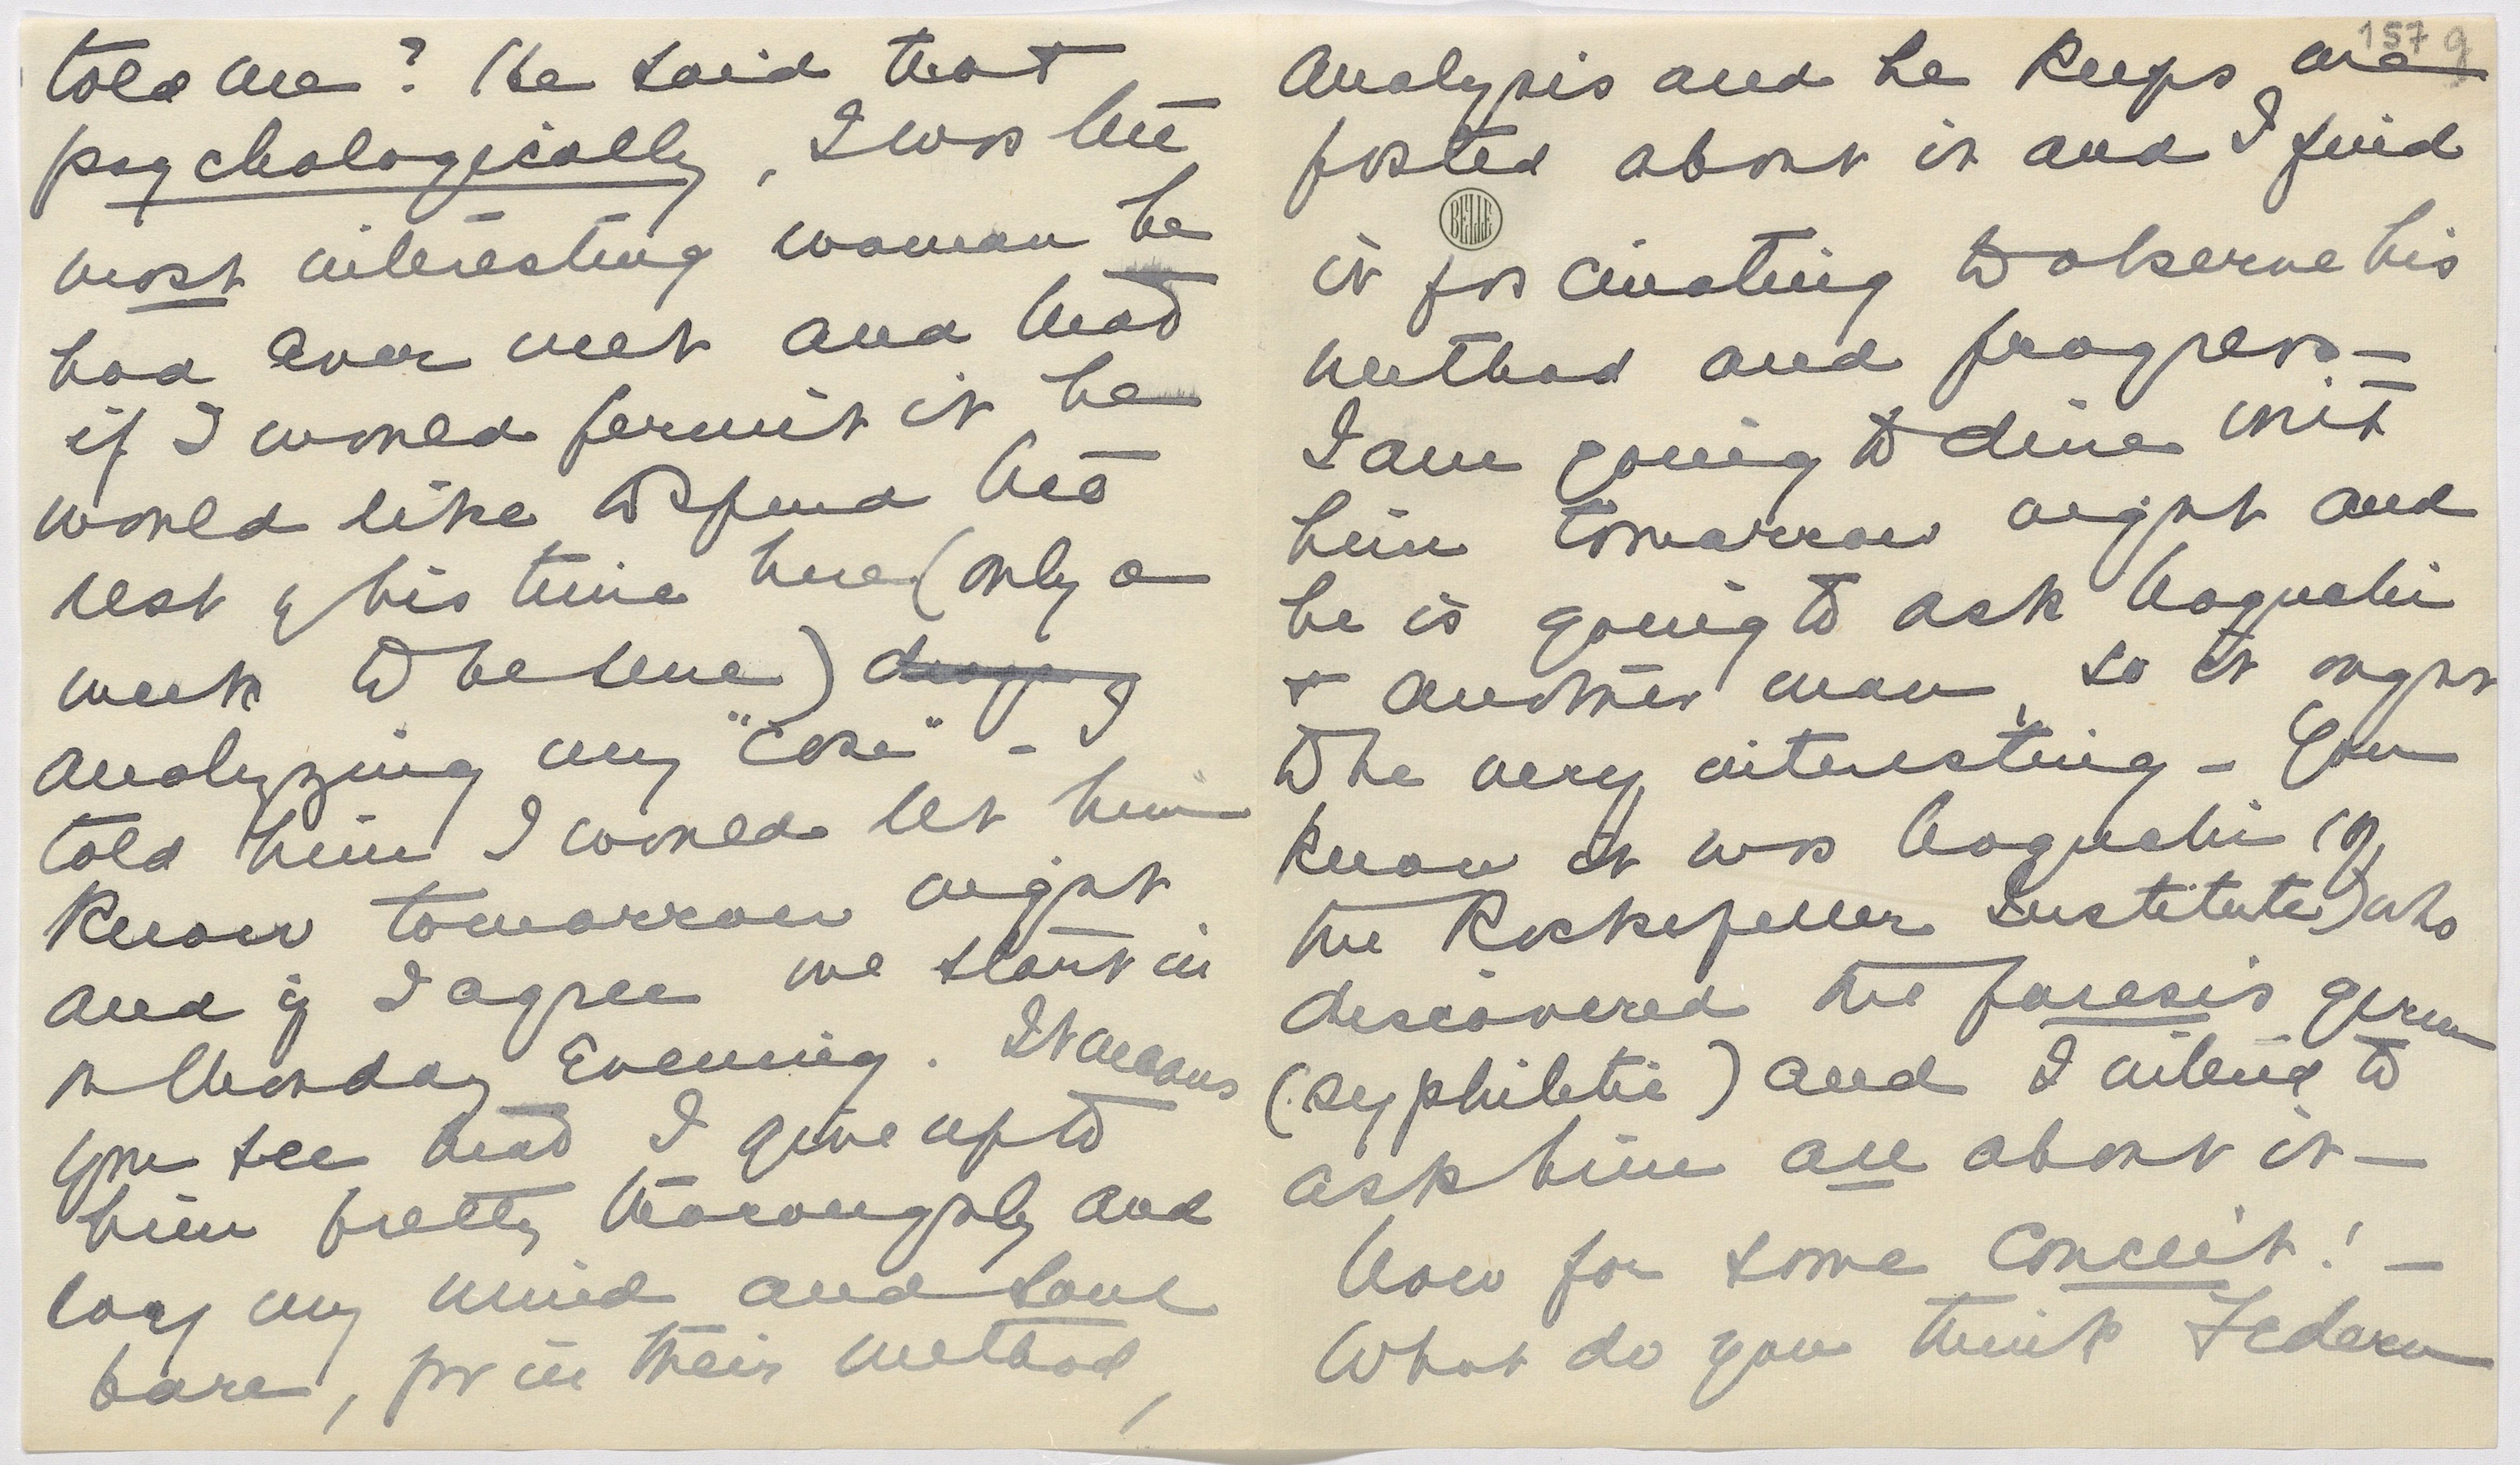and he keeps me posted about it and I find it fascinating to observe his method and progress – I am going to dine with him tomorrow night and he is going to ask Noguchi & another man so it ought to be very interesting – You know it was Noguchi (of the Rockefeller Institute) who discovered the paresis germ (syphilitic) and I intend to ask him all about it –
Now for some conceit! – What do you think Federn
told me? He said that psychologically, I was the most interesting woman he had ever met and that if I would permit it he would like to spend the rest of his time here (only a week to be sure) diag analyzing my “case” – I told him I would let him know tomorrow night and if I agree we start in on Monday evening. It means you see that I give up to him pretty thoroughly and lay my mind and soul bare, for in their method,